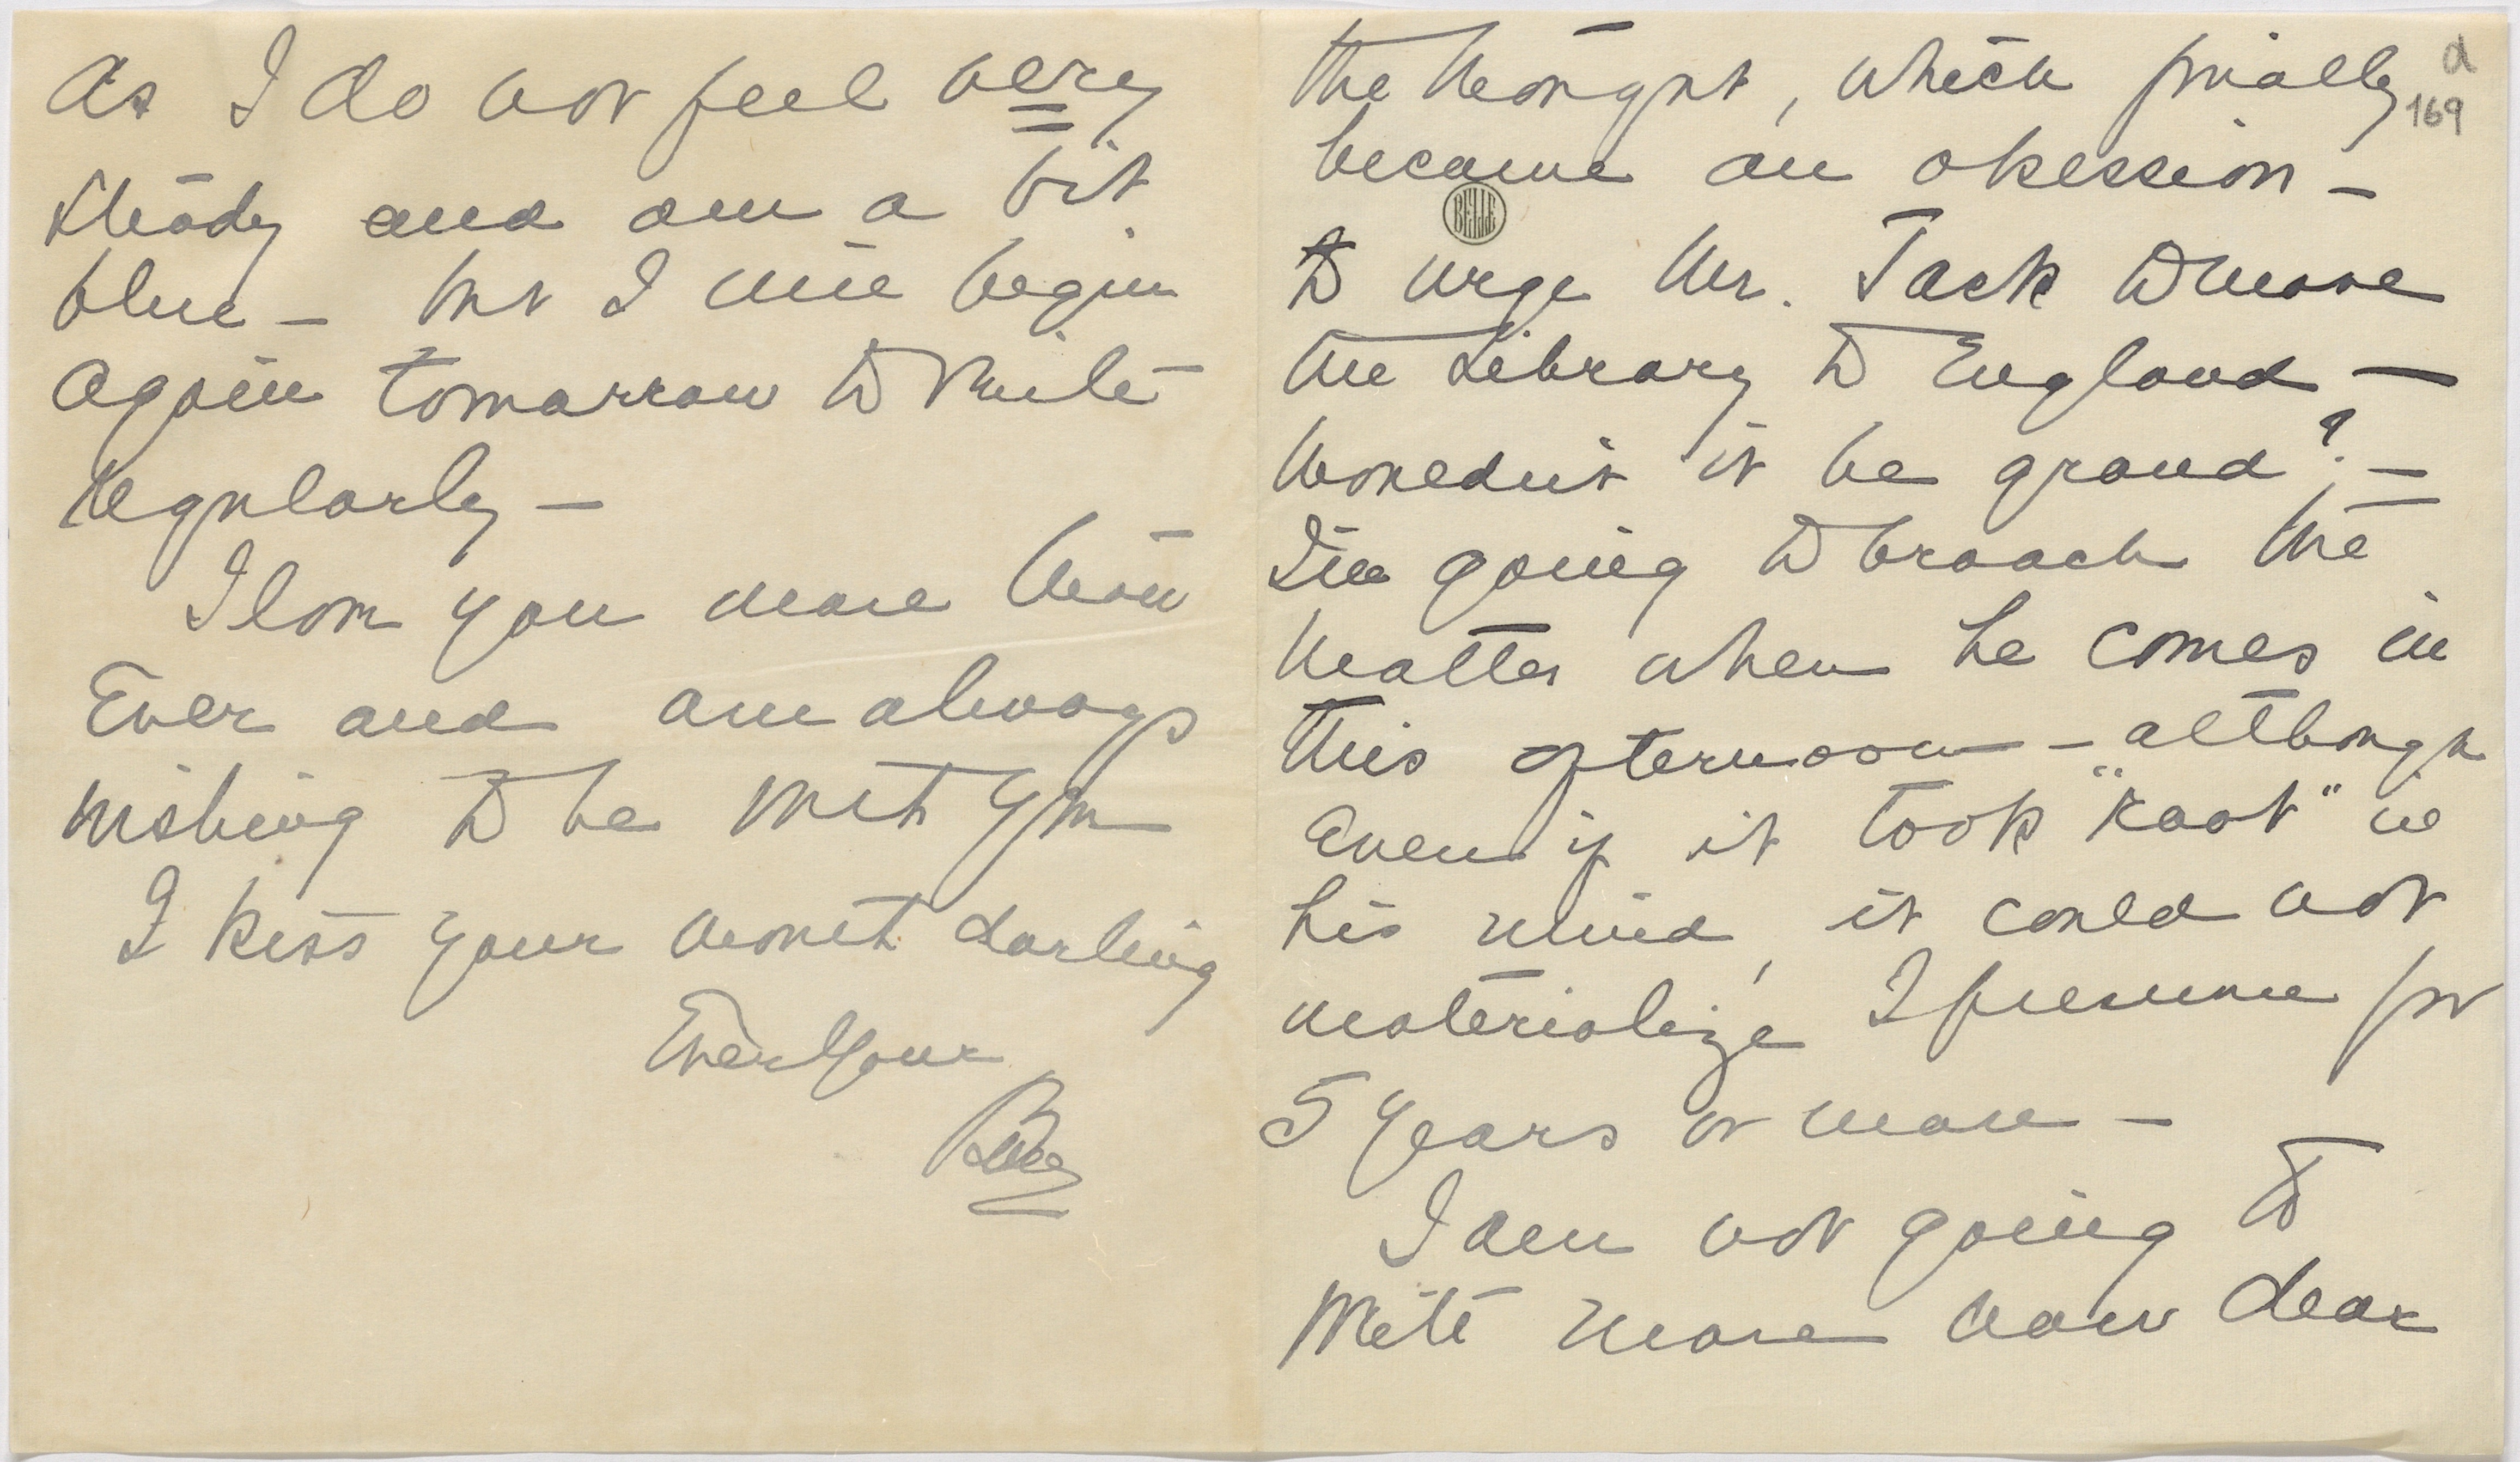the thought, which finally became an obsession – to urge Mr. Jack to move the Library to England – Wouldn’t it be grand? – I’m going to broach the matter when he comes in this afternoon – although even if it took “root” in his mind, it could not materialize I presume for 5 years or more –
I am not going to write more now dear
as I do not feel [double underlined: very] steady and am a bit blue – but I will begin again tomorrow to write regularly –
I love you more than ever and am always wishing to be with you
I kiss your mouth darling
Ever Your
Belle